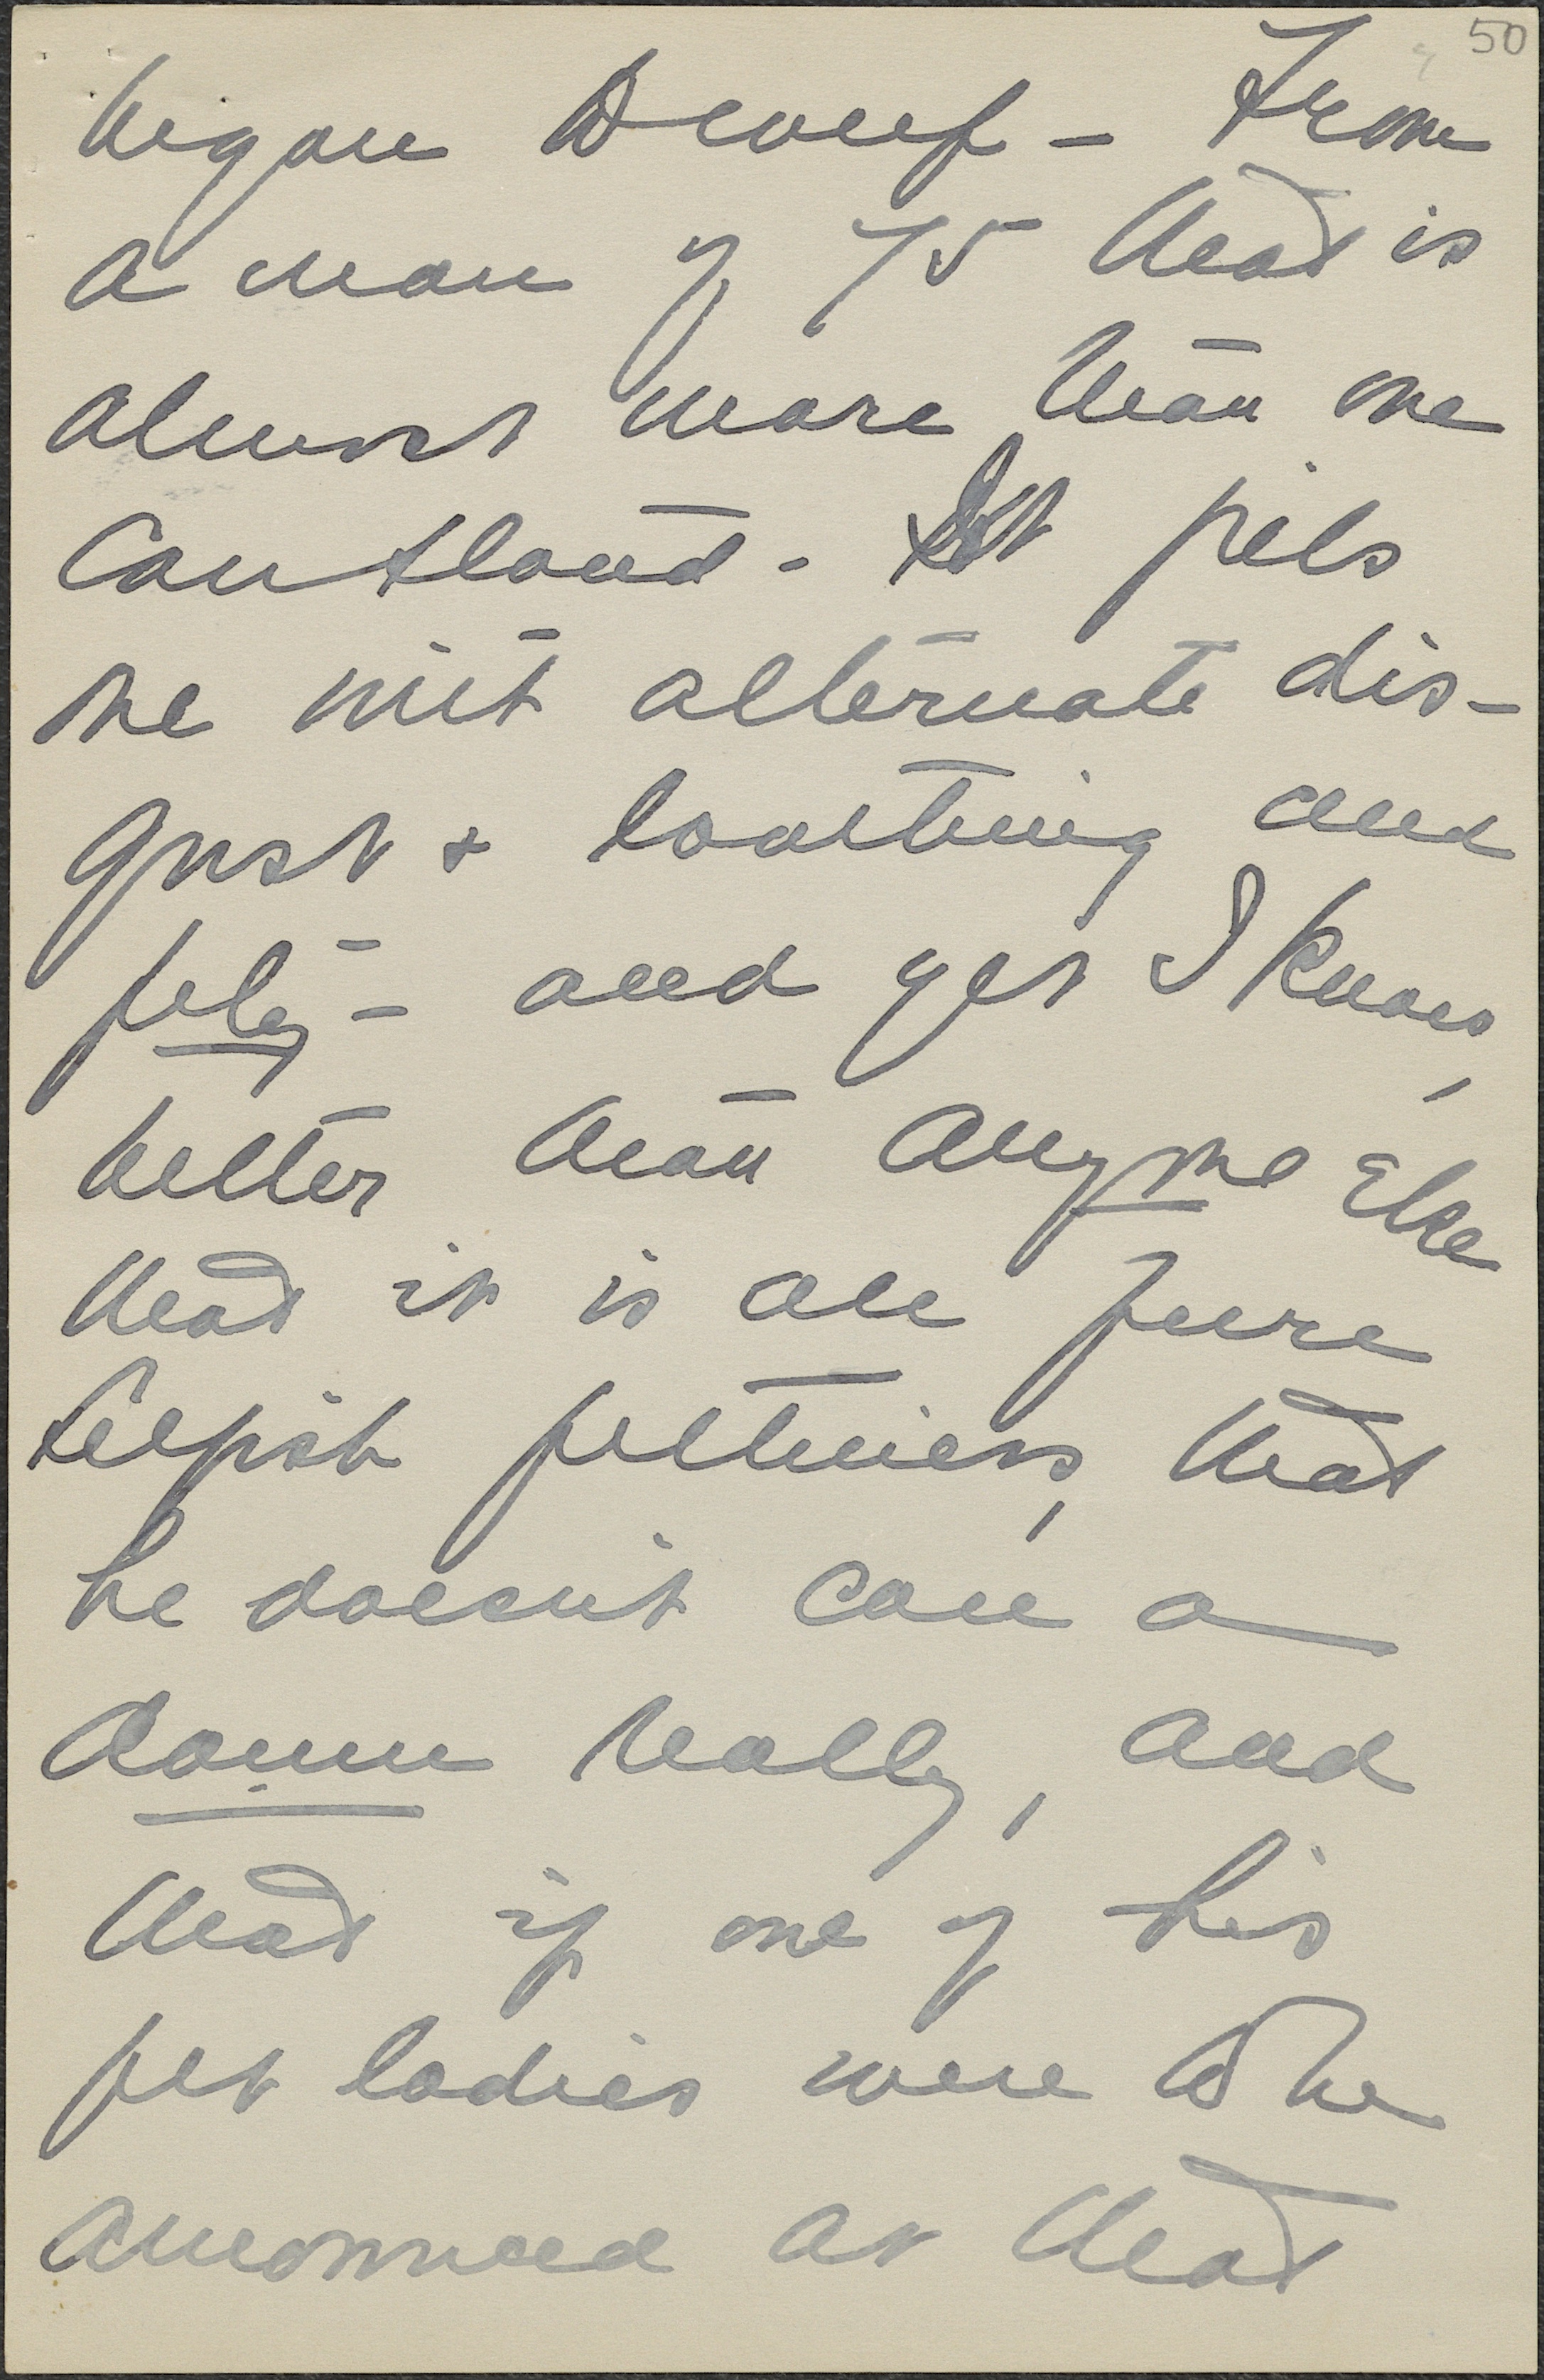began to weep – From a man of 75 that is always more than one can stand – It fills one with alternate disgust & loathing and pity – and yet I know better than anyone else that is is all pure selfish pettiness, that he doesn’t care a damn really, and that if one of his pet ladies were to be announced at that